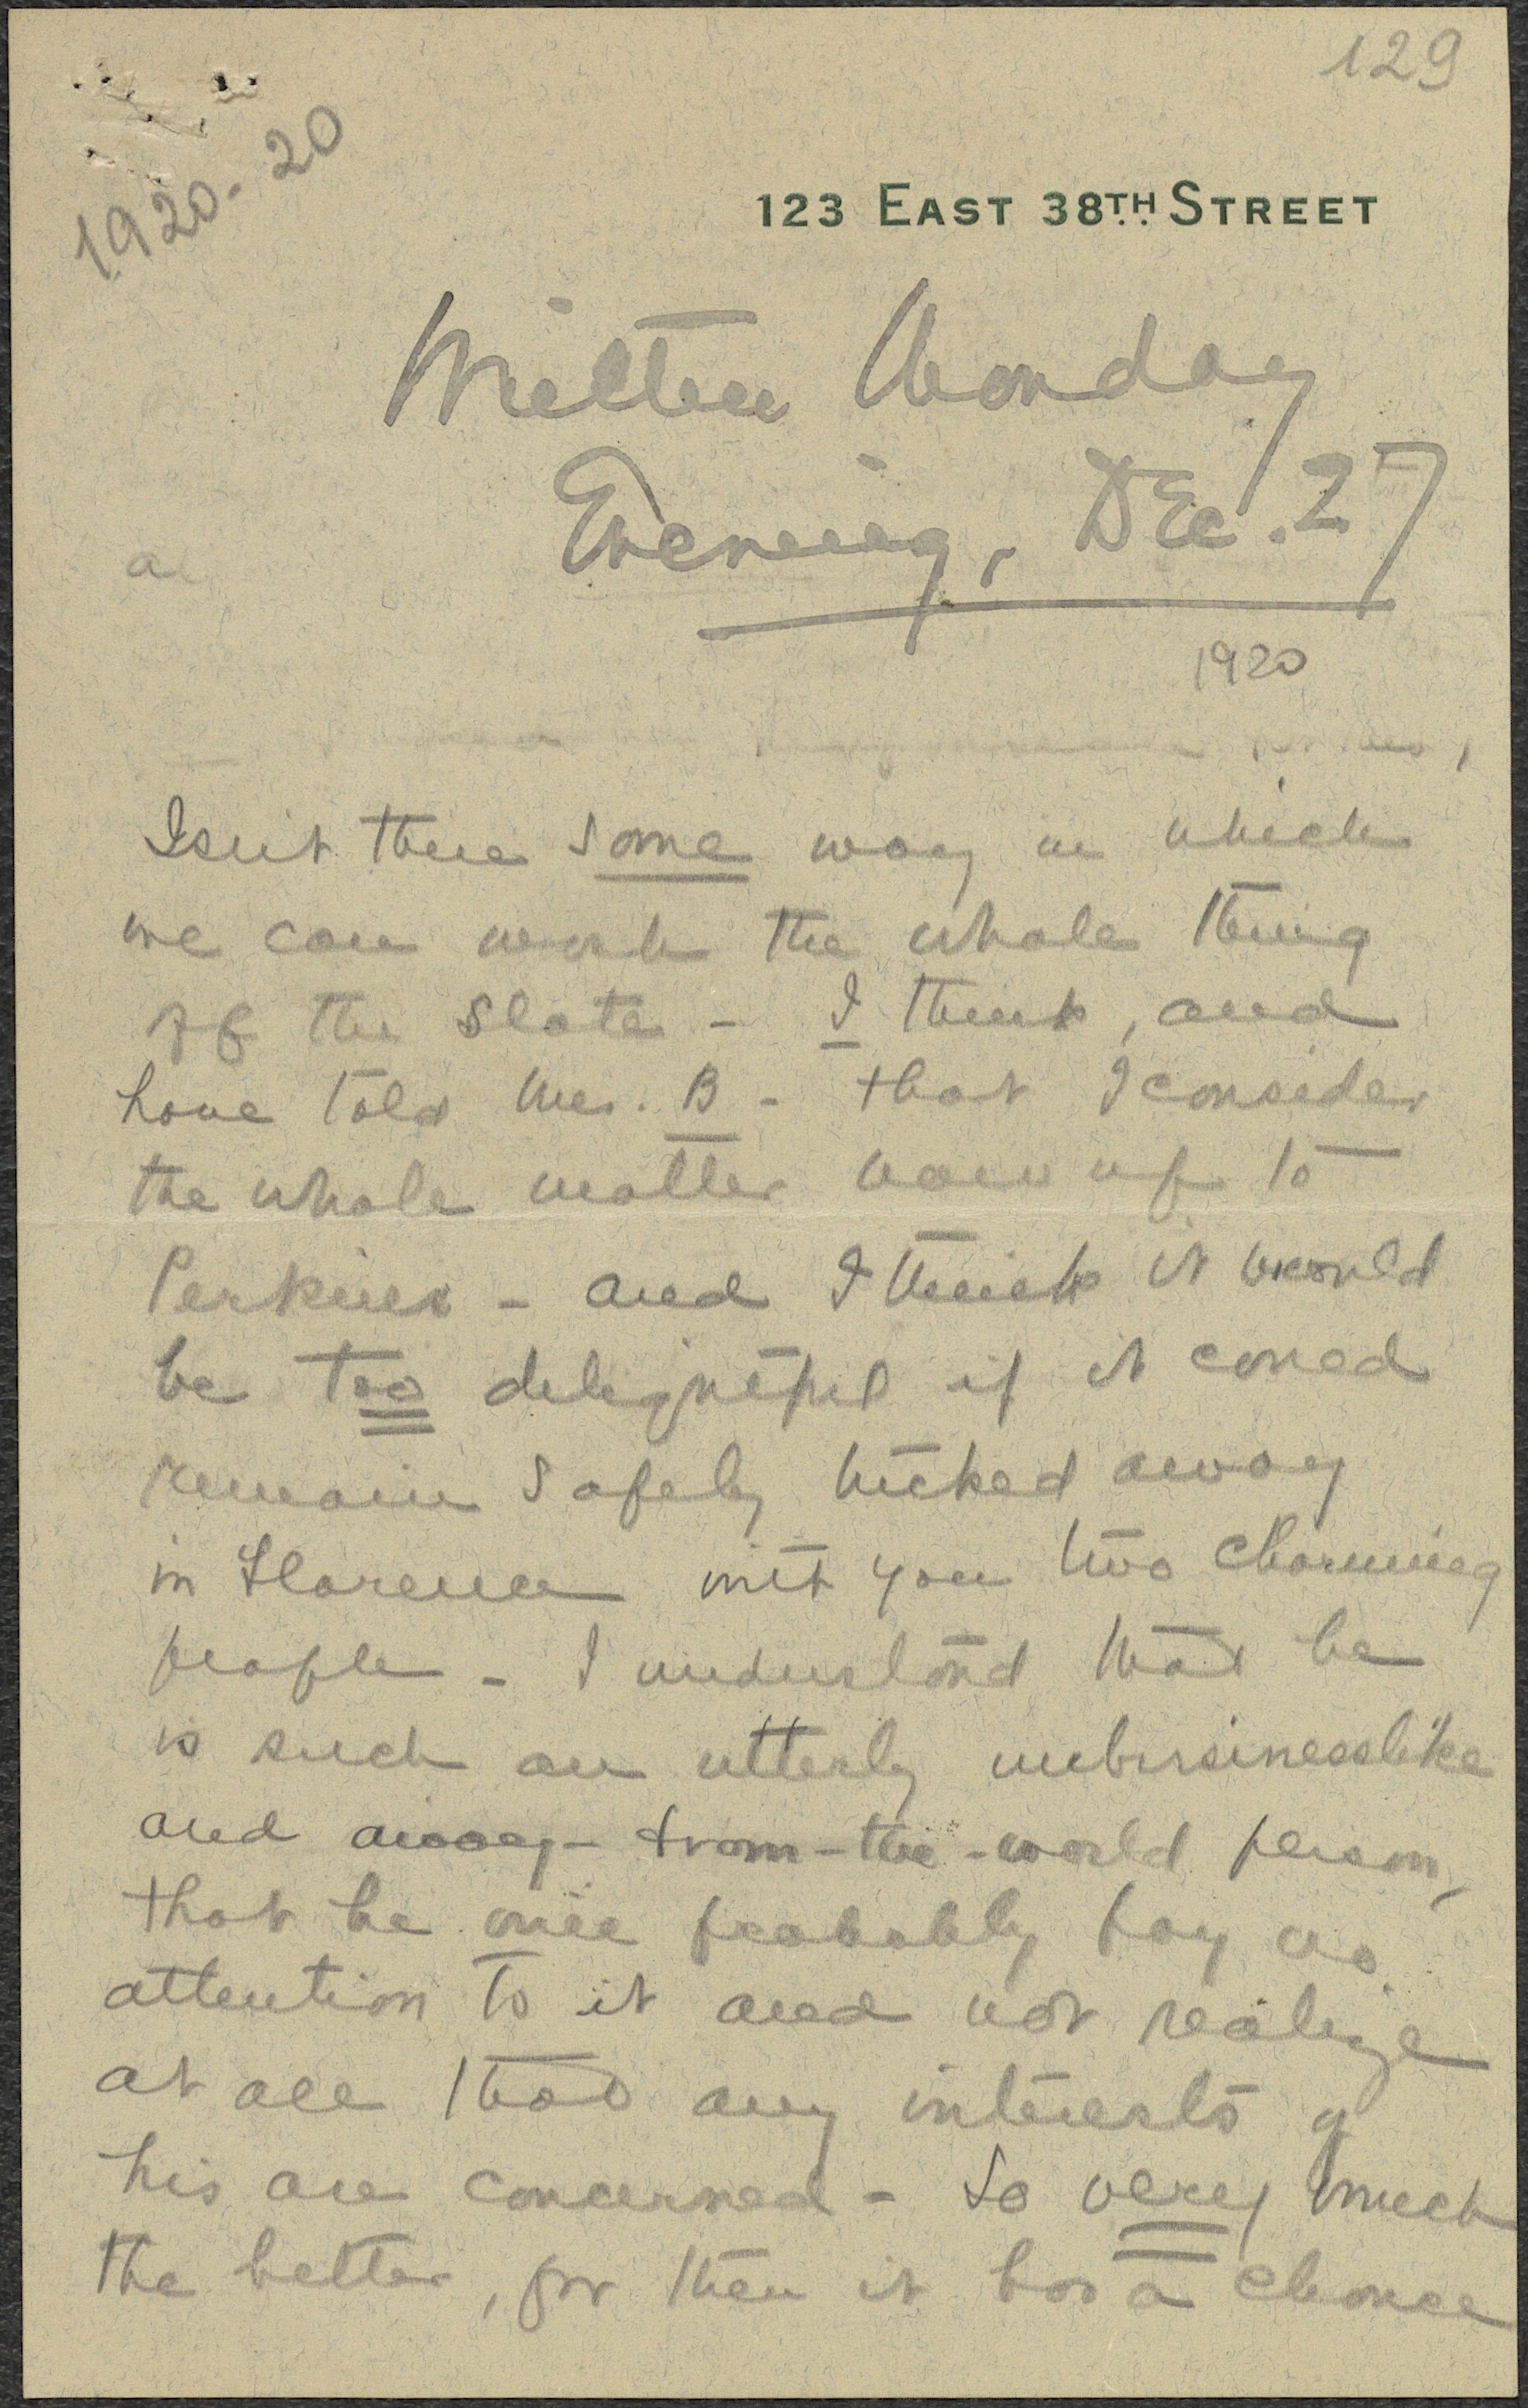[In larger hand and pen: Written Monday Evening, Dec. 27]
[illegible deletions]
Isn't there some way on which we can work the whole thing off the slate – I think, and have told Mr. B – that I consider the whole matter now up to Perkins – and I think it would be [double underlined: too] delightful if it could remain safely tucked away in Florence with you two charming people – I understand that he is such an utterly unbusinesslike and away-from-the-world person, that he will probably pay no attention to it and not realize at all that any interests of his are concerned – So [double underlined: very] much the better, for then it has a chance